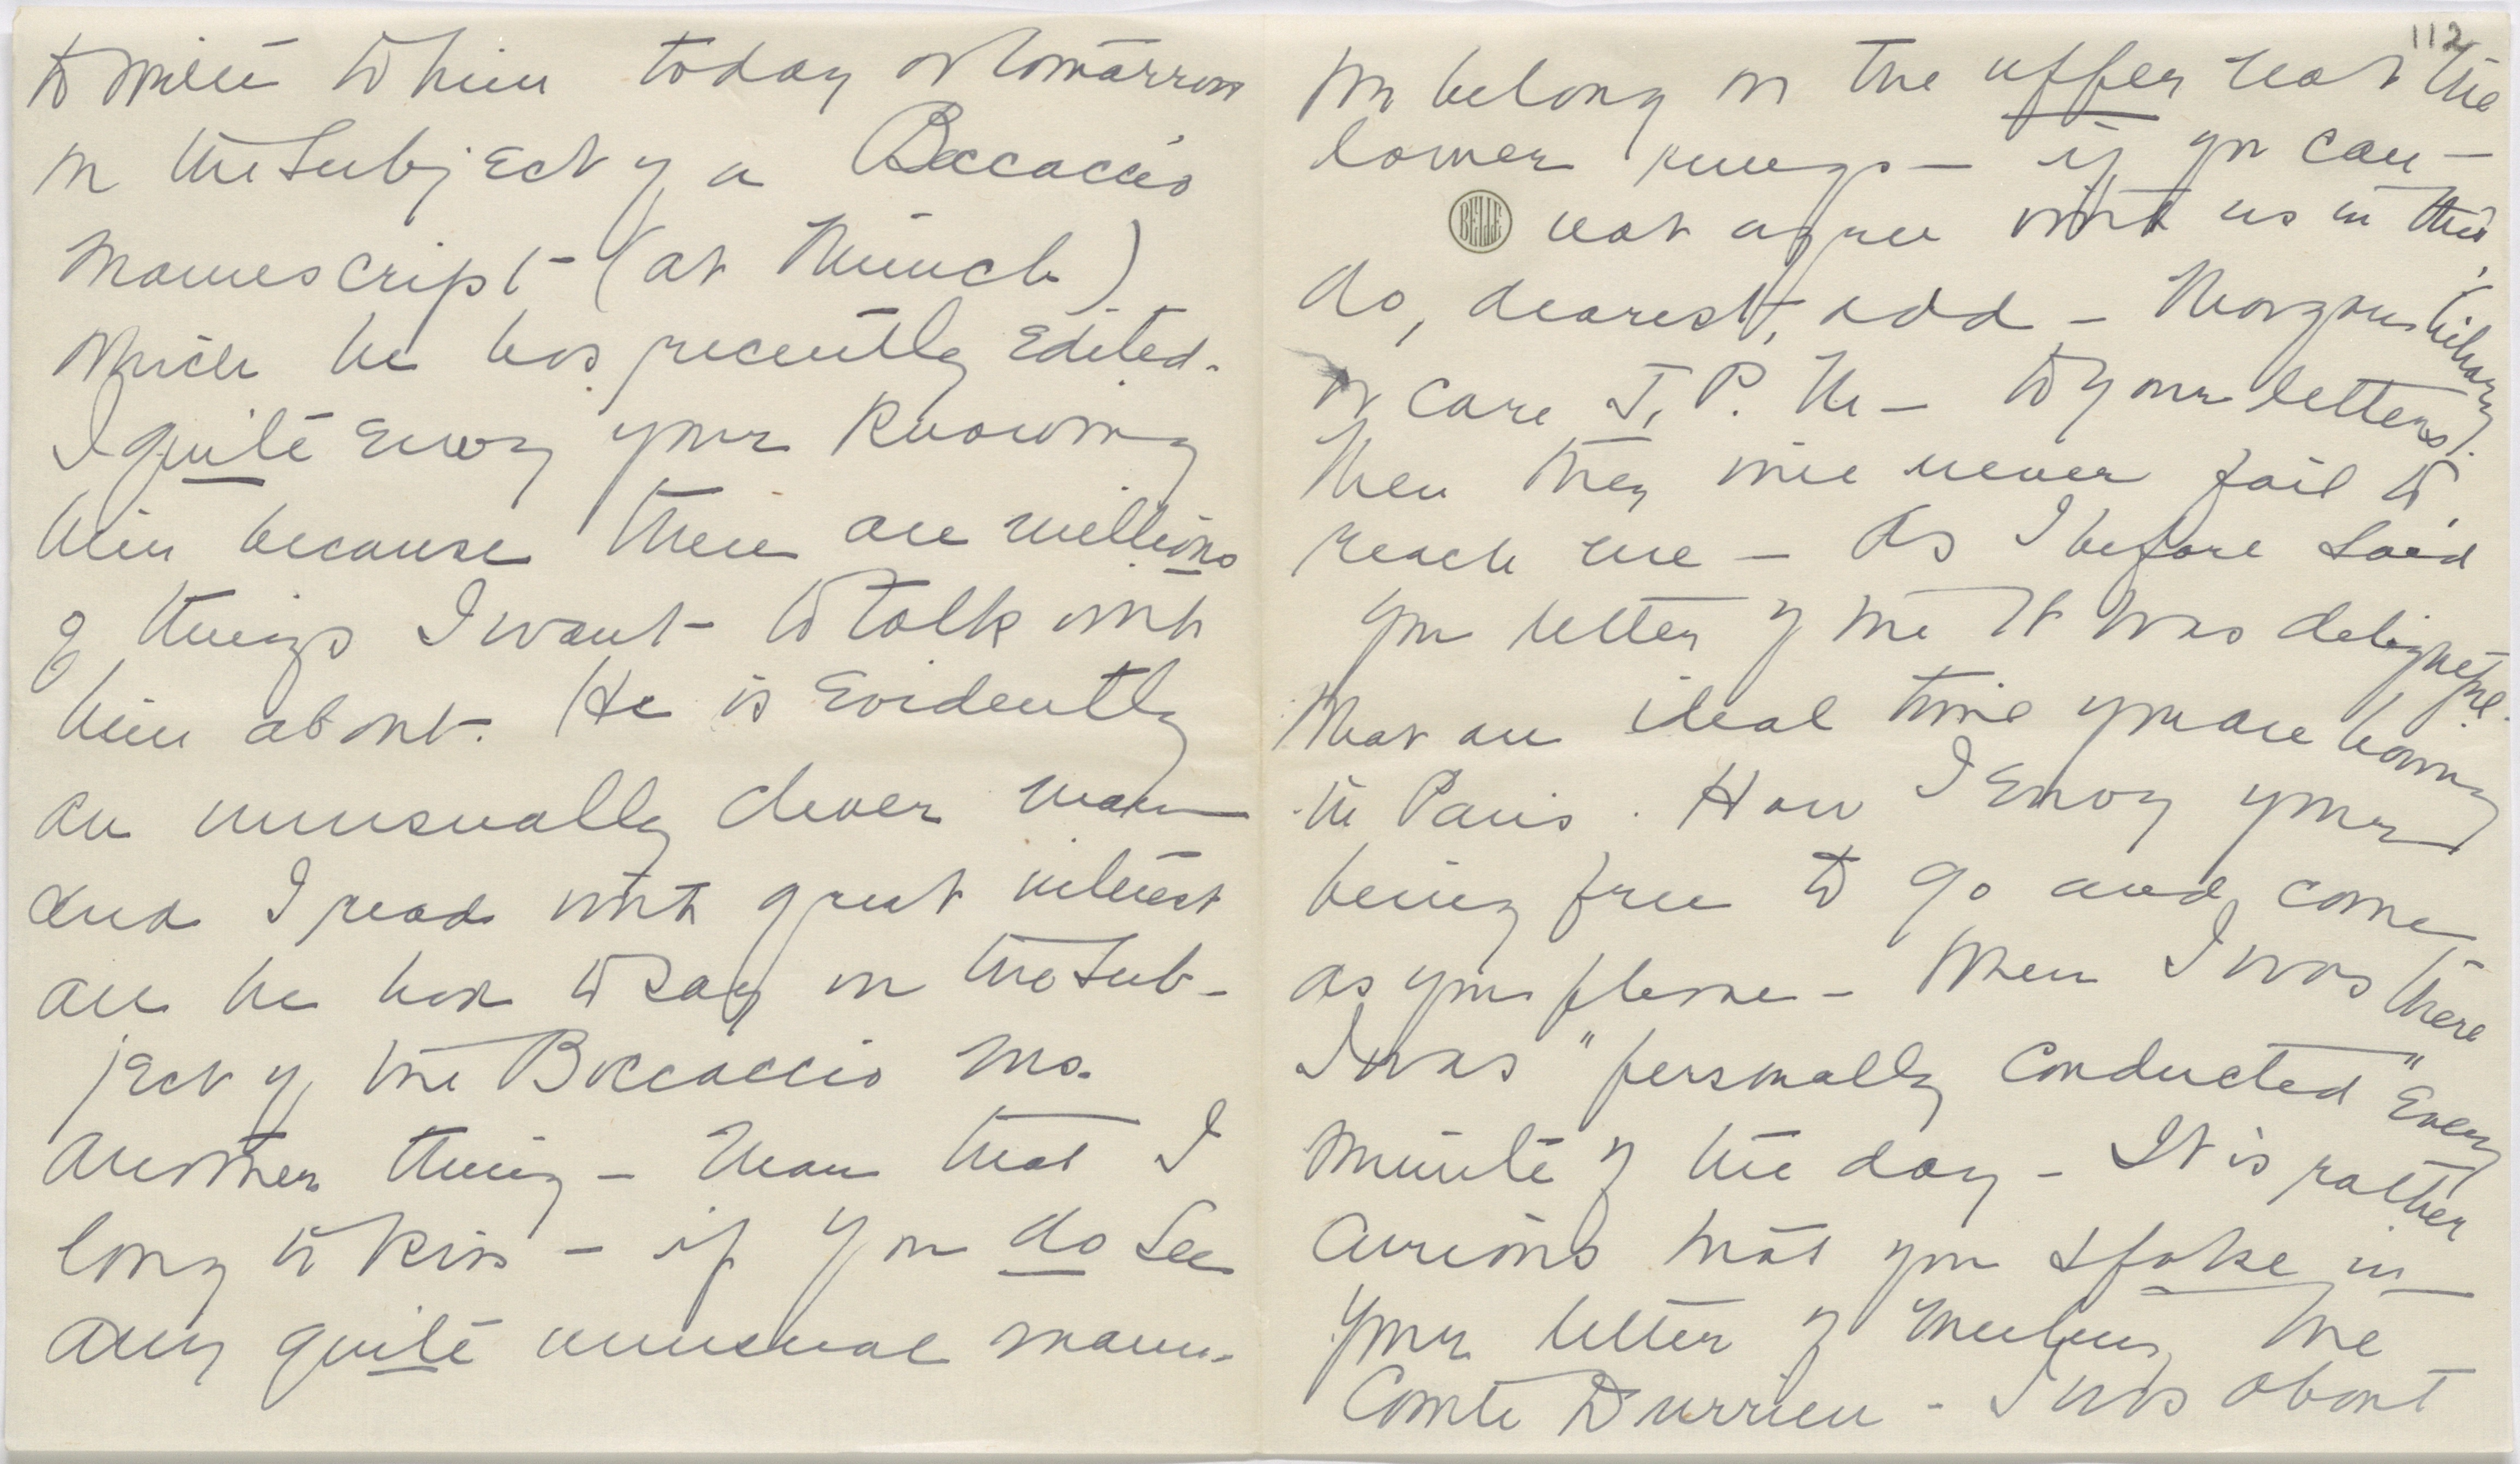we belong on the upper not the lower rungs – if you cannot agree with us in this, do, dearest, add – Morgan Library or care J. P. M – to your letters. Then they will never fail to reach me – as I before said your letter of the 18 was delightful. What an ideal time you are having in Paris. How I envy your being free to go and come as you please – When I was there I was “personally conducted” every minute of the day – It is rather curious that you spoke in your letter of meeting the Comte Durrieu – I was about
to write to him today or tomorrow on the subject of a Boccaccio manuscript (at Munich) which he has recently edited – I quite envy your knowing him because there are millions of things I want to talk with him about. He is evidently an unusually clever man and I read with great interest all he had to say on the subject of the Boccaccio ms.
another thing – Man that I long to kiss – if you do see any quite unusual manuscripts